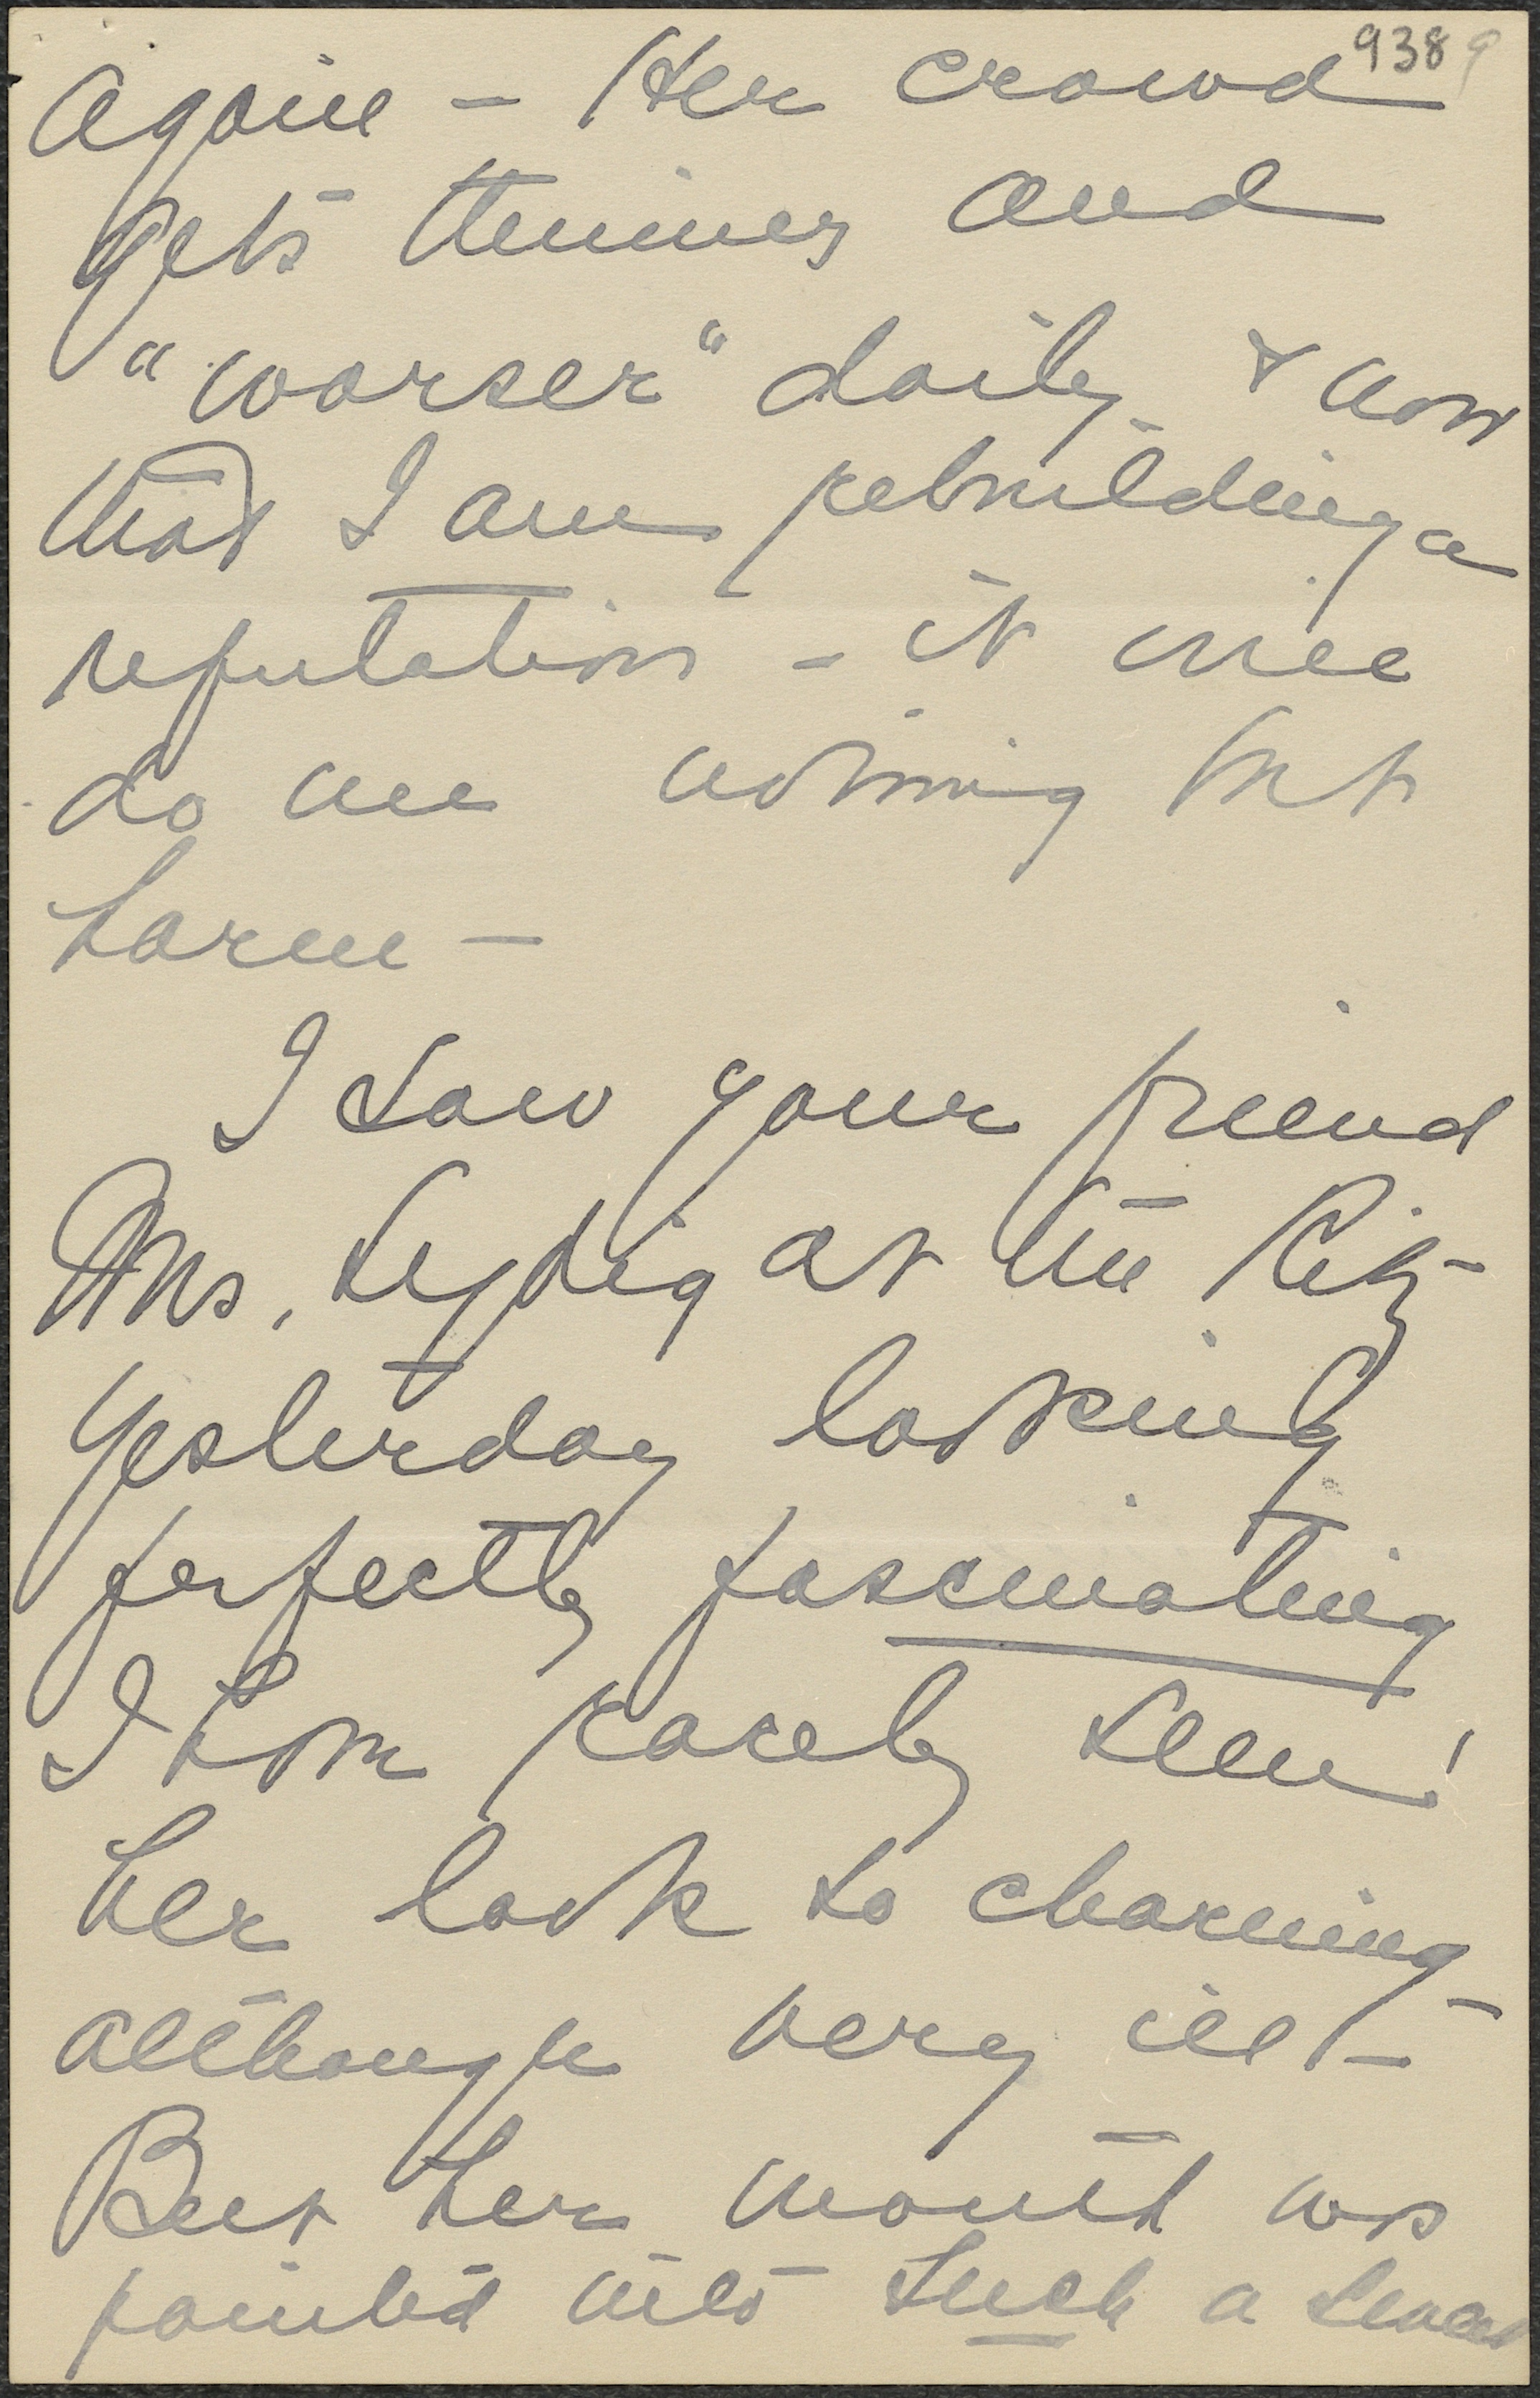again – Her crowd gets thinner and “worser” daily & now that I am rebuilding a reputation – it will do me nothing but harm –
I saw your friend Mrs. Lydig at the Ritz yesterday looking perfectly fascinating, I have rarely seen her look so charming – although very ill – But her mouth was painted into such a sweet